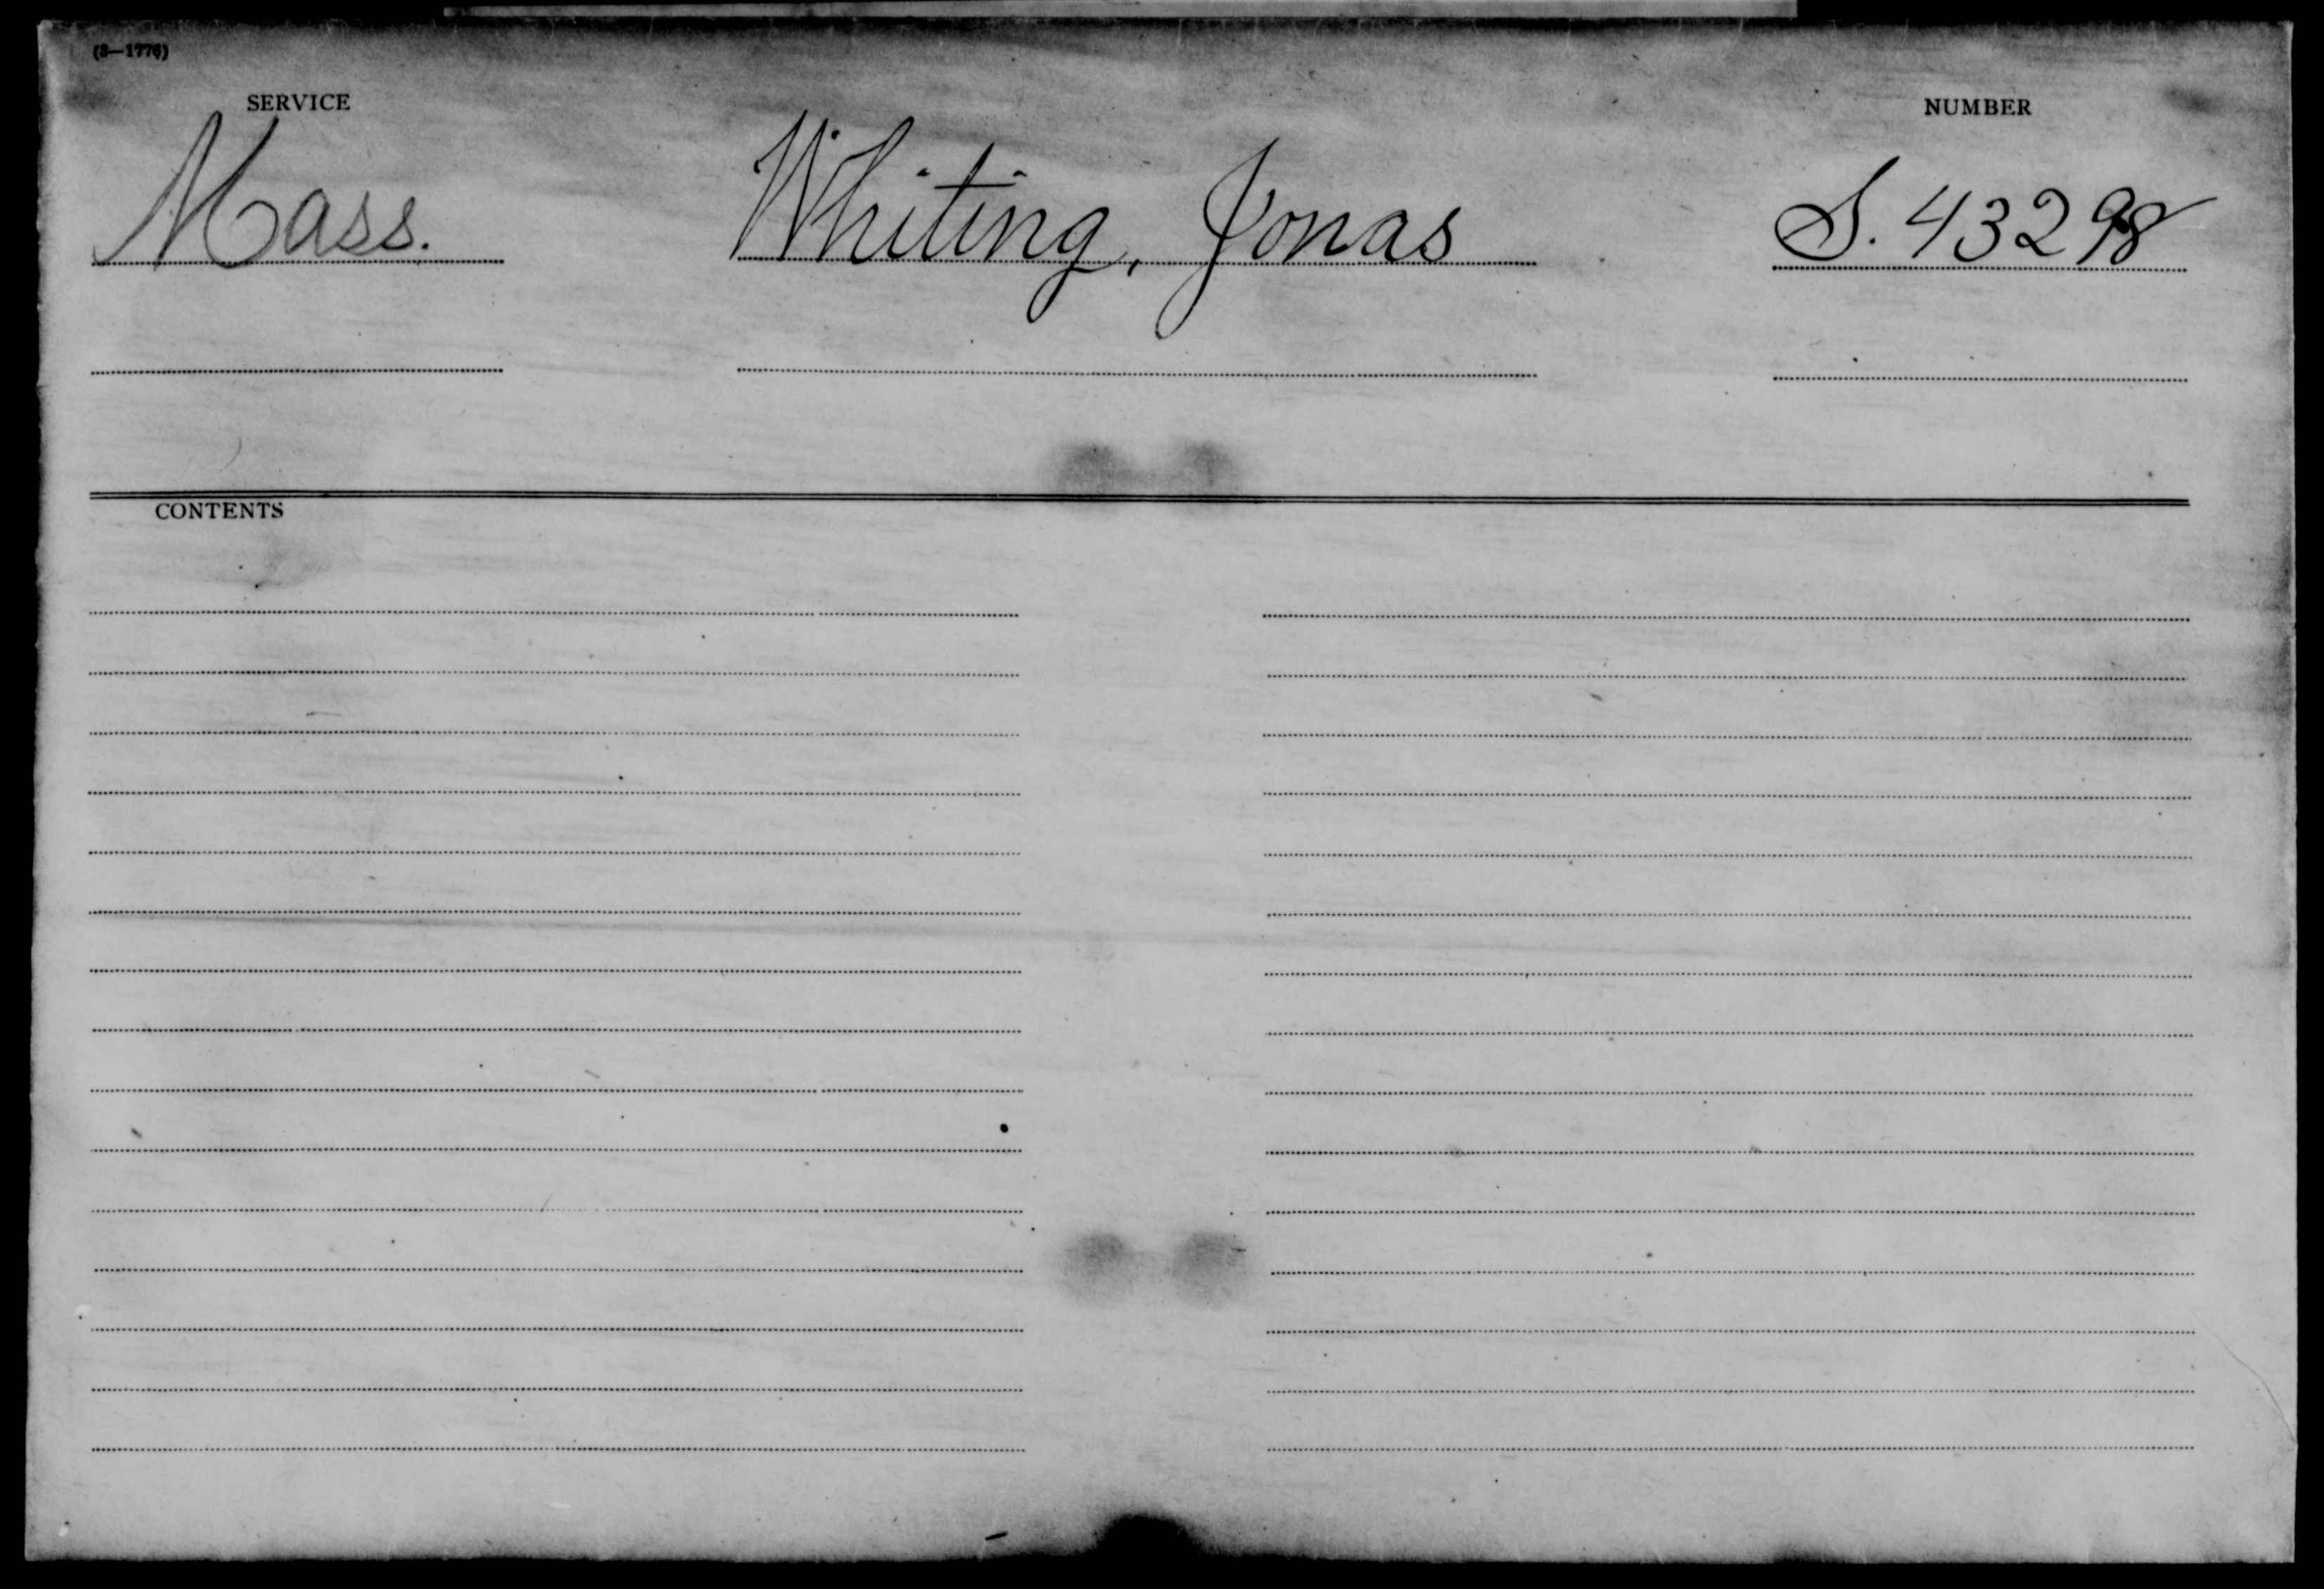(3-1776)
SERVICE
Mass.

Whiting, Jonas
NUMBER
S.43298
CONTENTS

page: 1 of 22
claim: survivor's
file: S. 43298, Jonas Whiting, Mass.